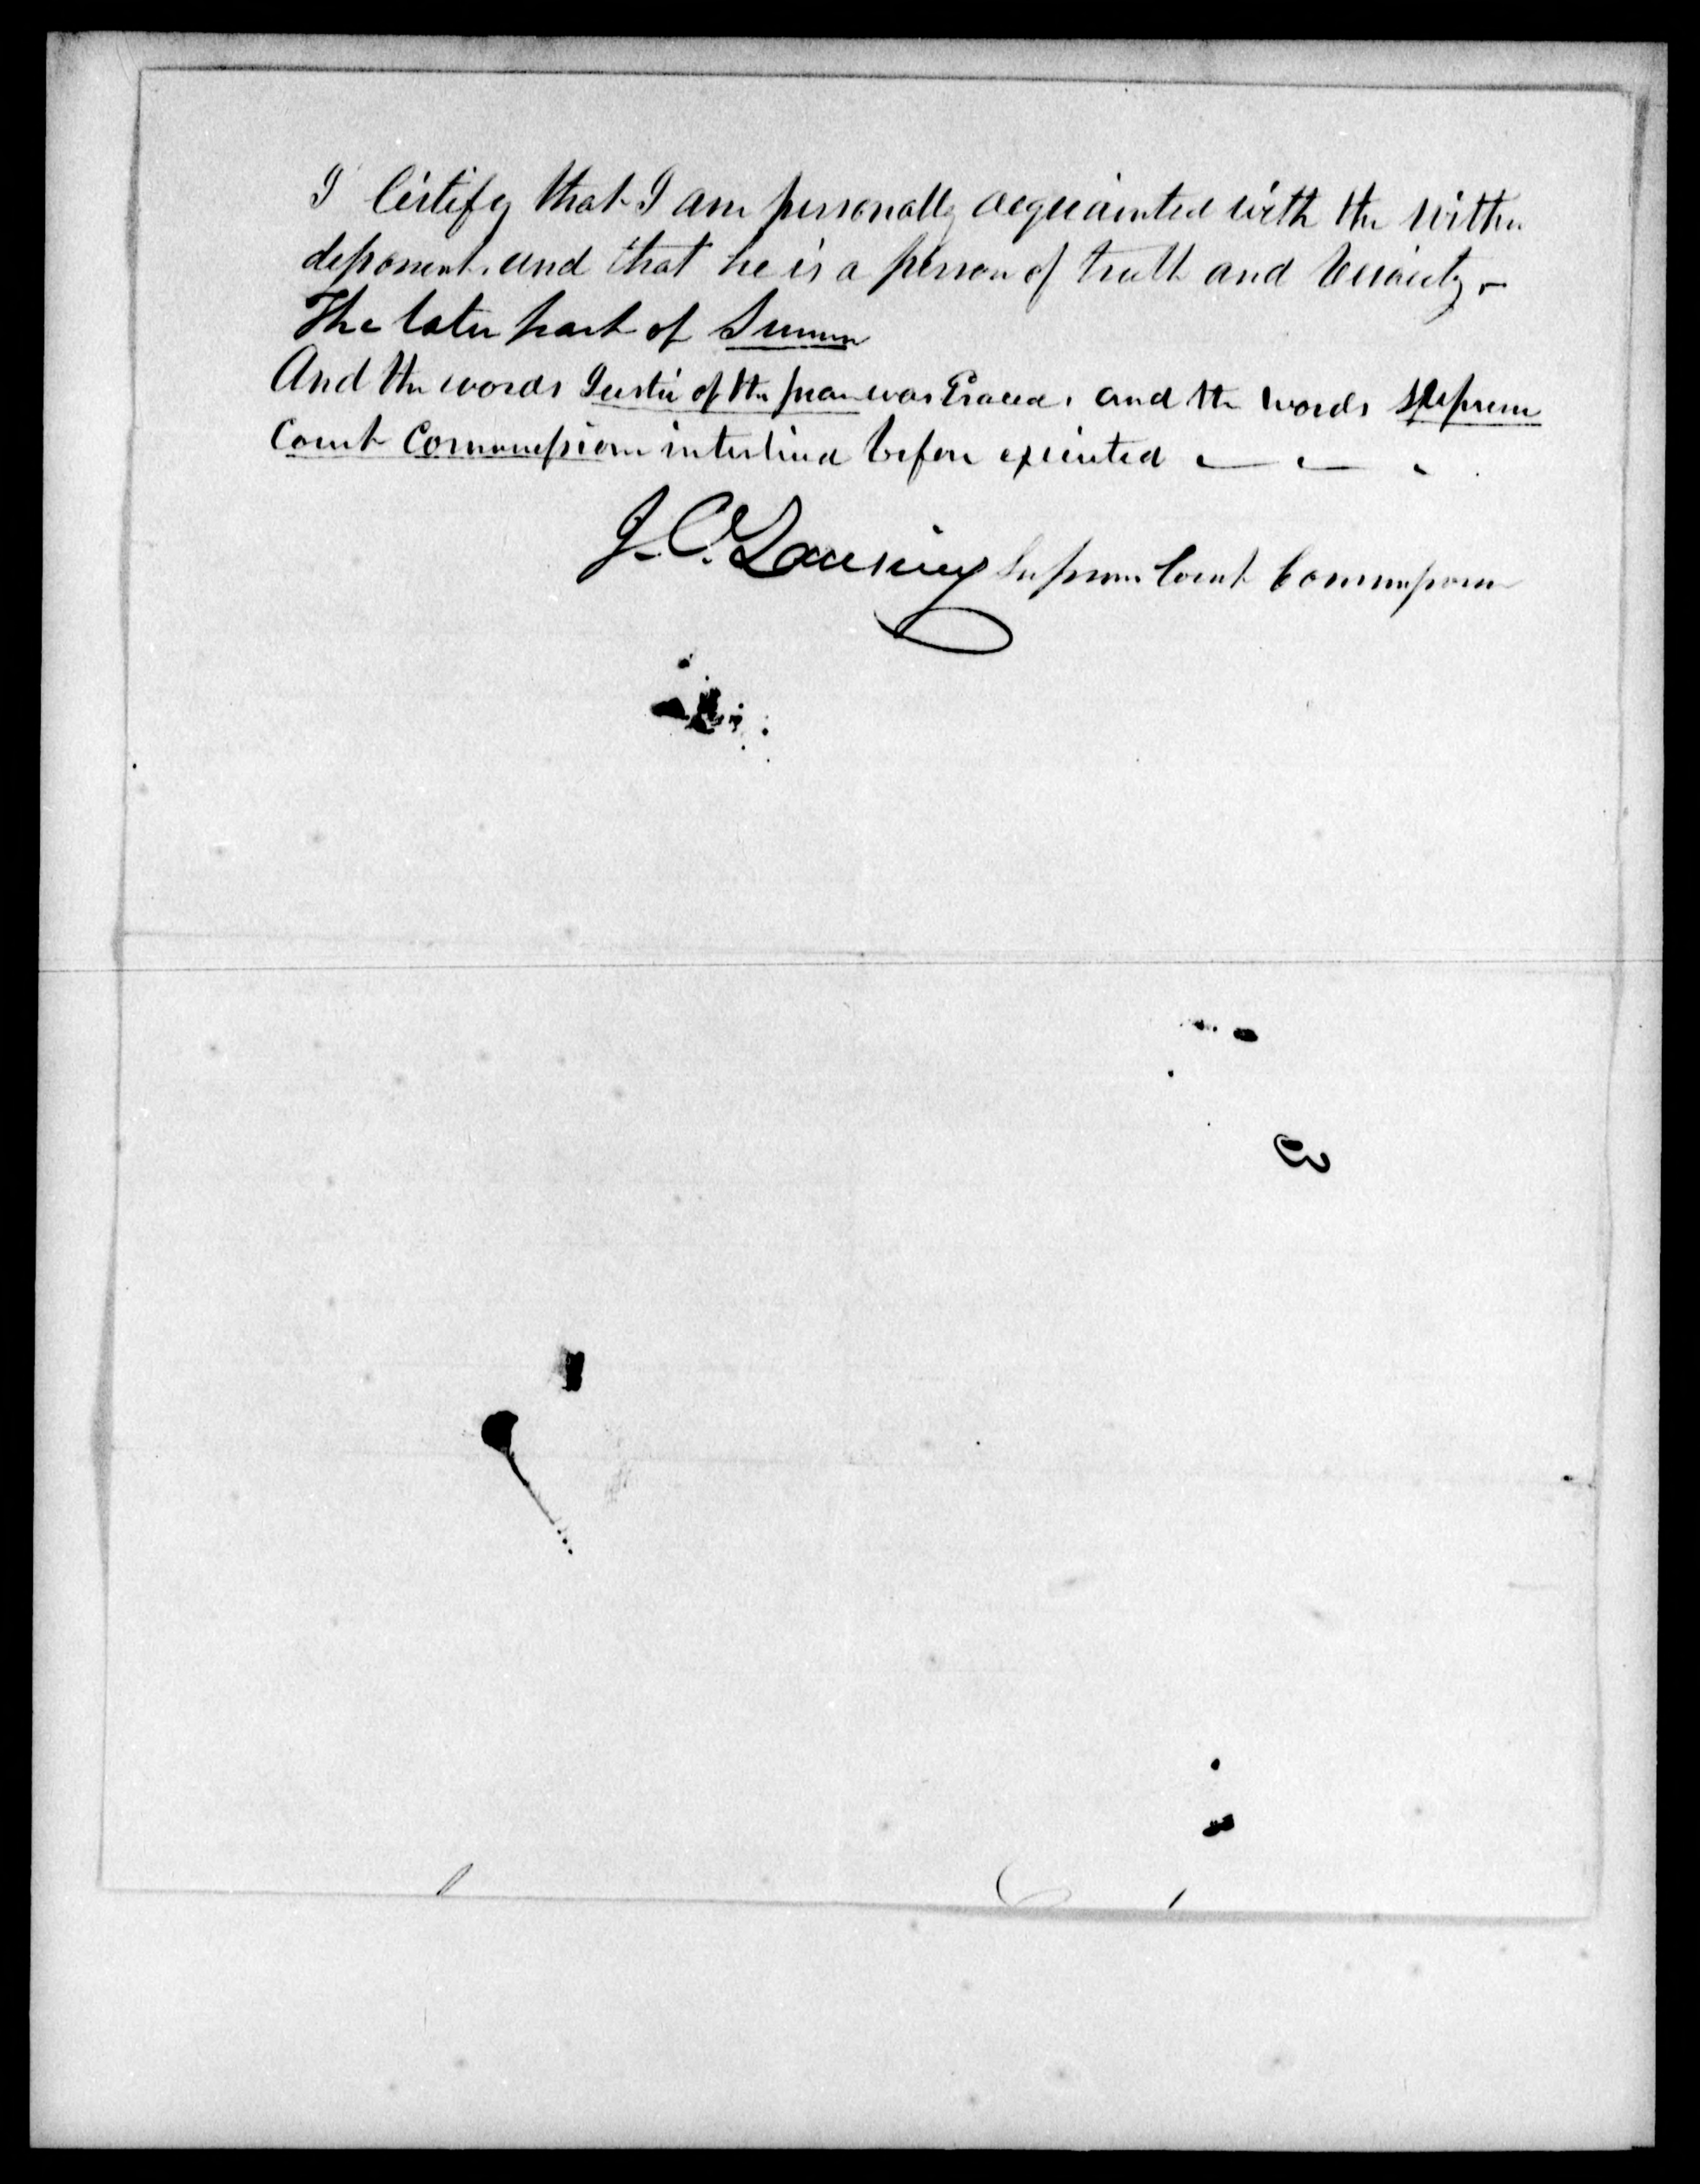I certify that I am personally acquainted with the within deponent, and that he is a person of truth and veracity - 

The later part of Summer [summer is underlined]

And the words Justice of the peace [Justice of the peace is underlined] was erased, and the word Supreme Court Commissioner [the words supreme court commissioner is underlined] 
interlined before executed - -
J. C. Lansing [signature] Supreme Court Commissioner

3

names: J C Lansing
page: 39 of 70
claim: rejected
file: R. 10,832, Martin Van Buskirk, New York.